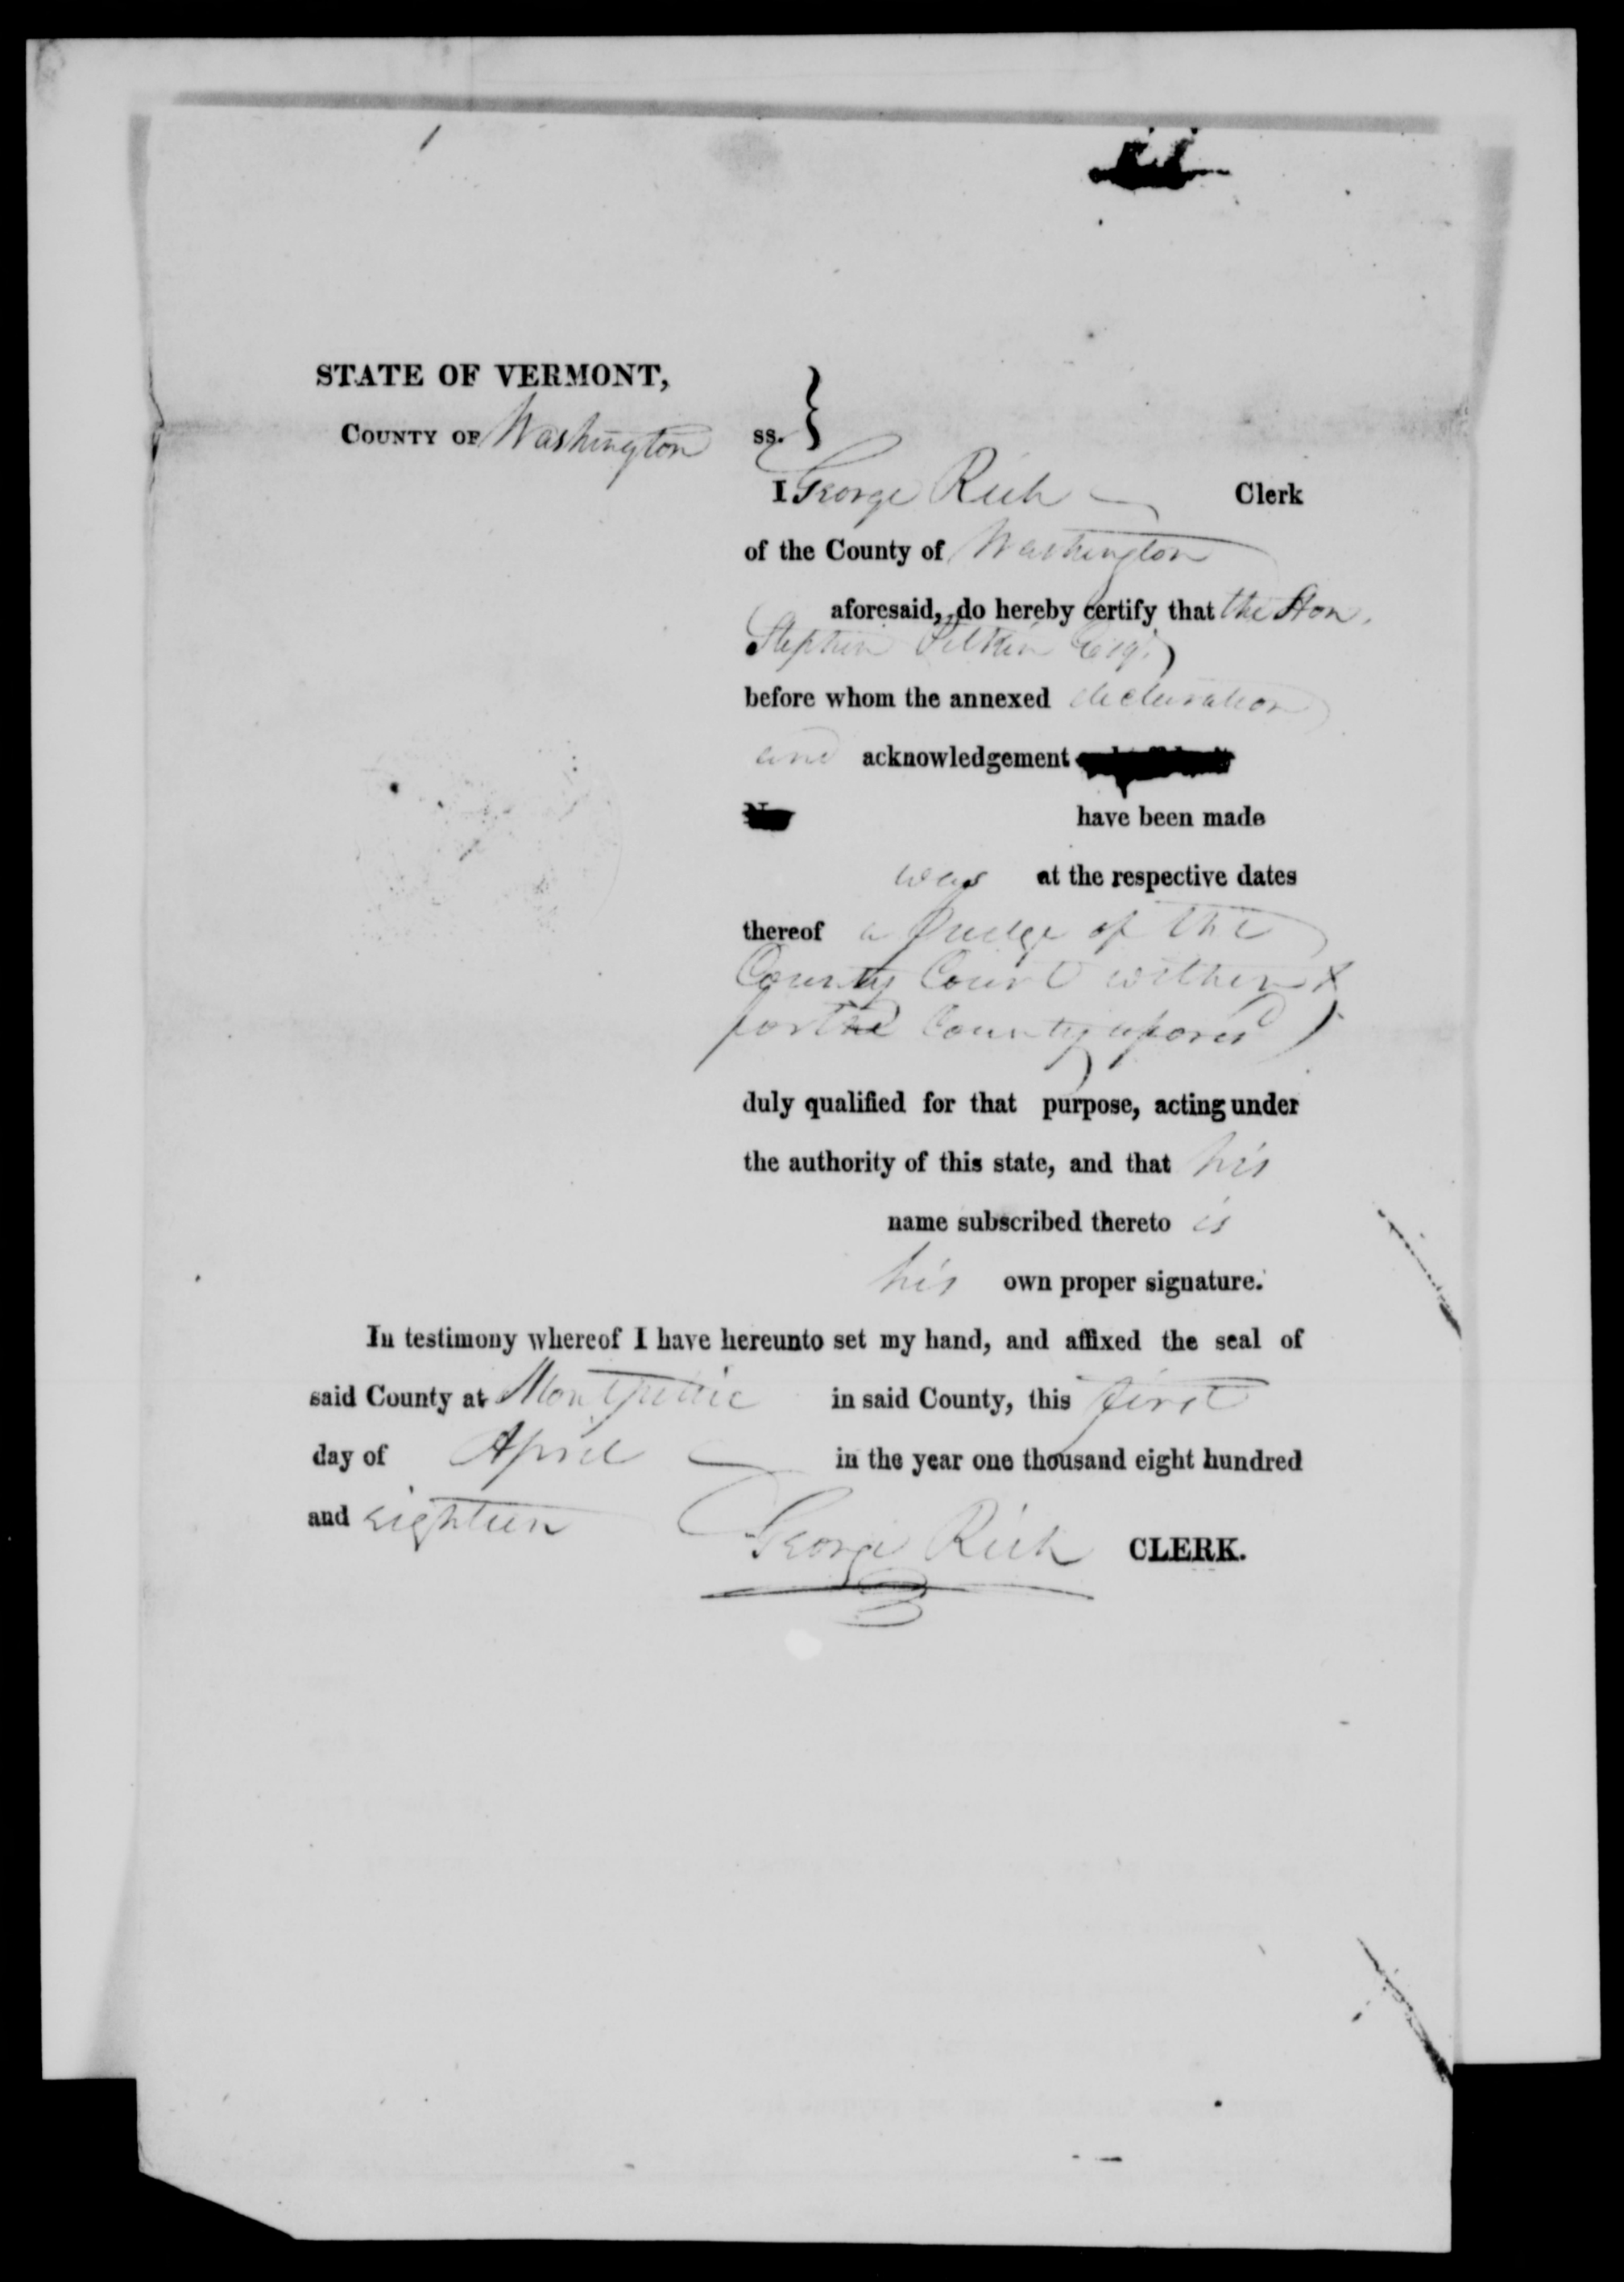State of Vermont,
County of Washington ss.
I George Rich Clerk of the County of Washington aforesaid do hereby certify that the Hon. Stephen Pitkin Esq. before whom the annexed declaration and acknowledgement have been made was at the respective dates thereof a Judge of the County Court within & for the County aforesaid duly qualified for that purpose, acting under the authority of this state, and that his name subscribed thereto is his own proper signature.
In testimony whereof I have hereunto set my hand, and affixed the seal of the County at Montpelier in said County, this first day of April in the year one thousand eight hundred and eighteen.
George Rich CLERK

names: Stephen Pitkin, George Rich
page: 8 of 79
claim: survivor's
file: S. 11759, Samuel White, Mass.